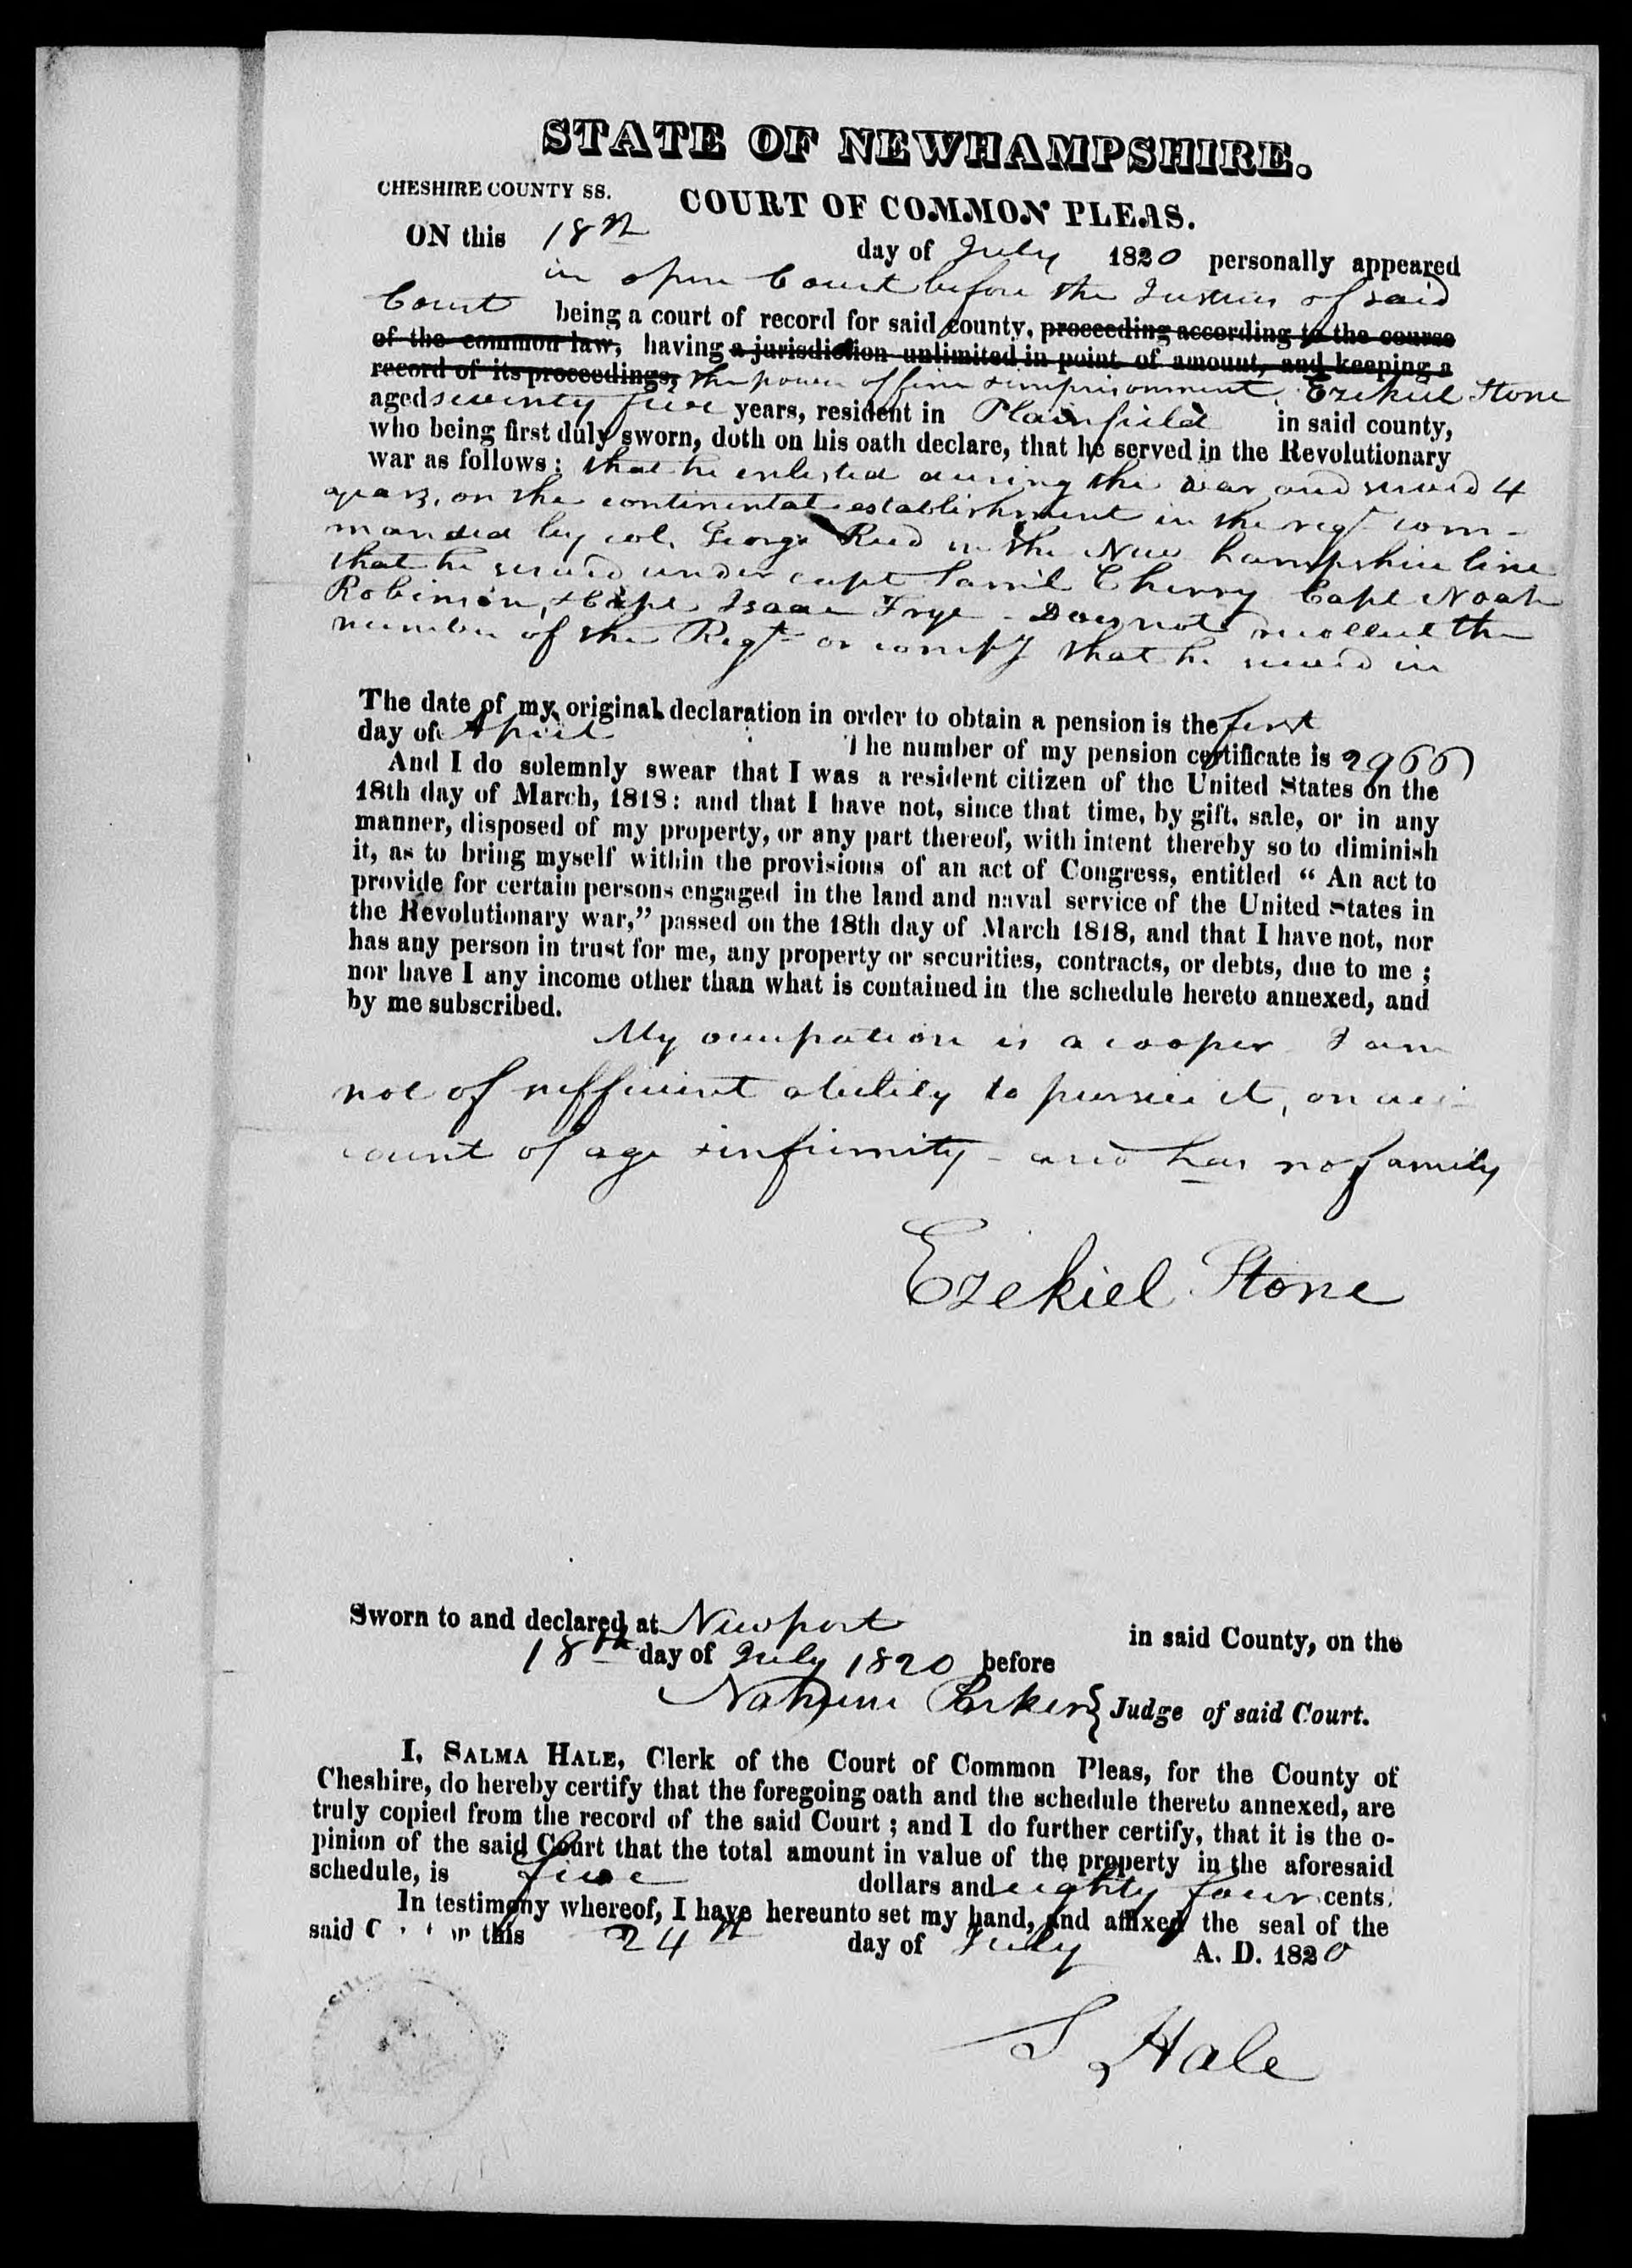STATE OF NEWHAMPSHIRE.
CHESHIRE COUNTY SS.
COURT OF COMMON PLEAS.

ON this 18th day of July 1820 personally appeared in open Court before the Justices of said Court being a court of record for said county, ["proceeding according to the course of the common law, a jurisdiction unlimited in point of amount, and keeping a record of its proceedings," all stricken out]  having the power of find & imprisonment Ezekiel Stone aged seventy five years, resident in Plainfield in said county, who being first duly sworn, doth on his oath declare, that he served in the Revolutionary war as follows:   that he enlisted during the war and served 4 years, on the continental establishment in the regt. commanded by col. George Reed in the New hampshire line that he served under Capt Sam'l Cherry Capt Hash Robinson & Capt Isaac Frye--Does not recollect the number of the Regt or compy that he served in

The date of my original declaration in order to obtain a pension is the first day of April   The number of my pension certificate is 2966

And I do solemnly swear that I was a resident citizen of the United States on the 18th day of March, 1818:  and that I have not, since that time, by gift, sale, or in any manner, disposed of my property, or any part thereof, with intent thereby so to diminish it, as to bring myself within the provisions of an act of Congress, entitled "An act to provide for certain persons engaged in the land and naval service of the United States in the Revolutionary war," passed on the 18th day of March 1818, and that I have not, nor has any person in trust for me, any property or securities, contracts, or debts, due to me; nor have I any income other than what is contained in the schedule hereto annexed, and by me subscribed.  My occupation is a cooper   I am not of sufficient ability to pursue it, on account of age & infirmity--and has no family
Ezekiel Stone

Sworn to and declared at Newport in said County, on the 18th day of July 1820 before
Nahum Parker  ) Judge of said Court.

I, SALMA HALE, Clerk of the Court of Common Pleas, for the County of Cheshire, do hereby certify that the foregoing oath and the schedule thereto annexed, are truly copied from the record of the said Court; and I do further certify, that it is the opinion of the said Court that the total amount in value of the property in the aforesaid schedule, is five dollars and eighty four cents.

In testimony whereof, I have hereunto set my hand, and affixed the seal of the said Court on this 24th day of July A.D. 1820
S. Hale

[illegible seal affixed in lower left corner of page]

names: Isaac Frye; S Hale; Saml Cherry; Ezekiel Stone; George Reed; Nahum Parker; Noah Robinson; Salma Hale; Ezekiel Stone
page: 9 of 38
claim: survivor's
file: S. 43181, for Ezekiel Stone, New Hampshire